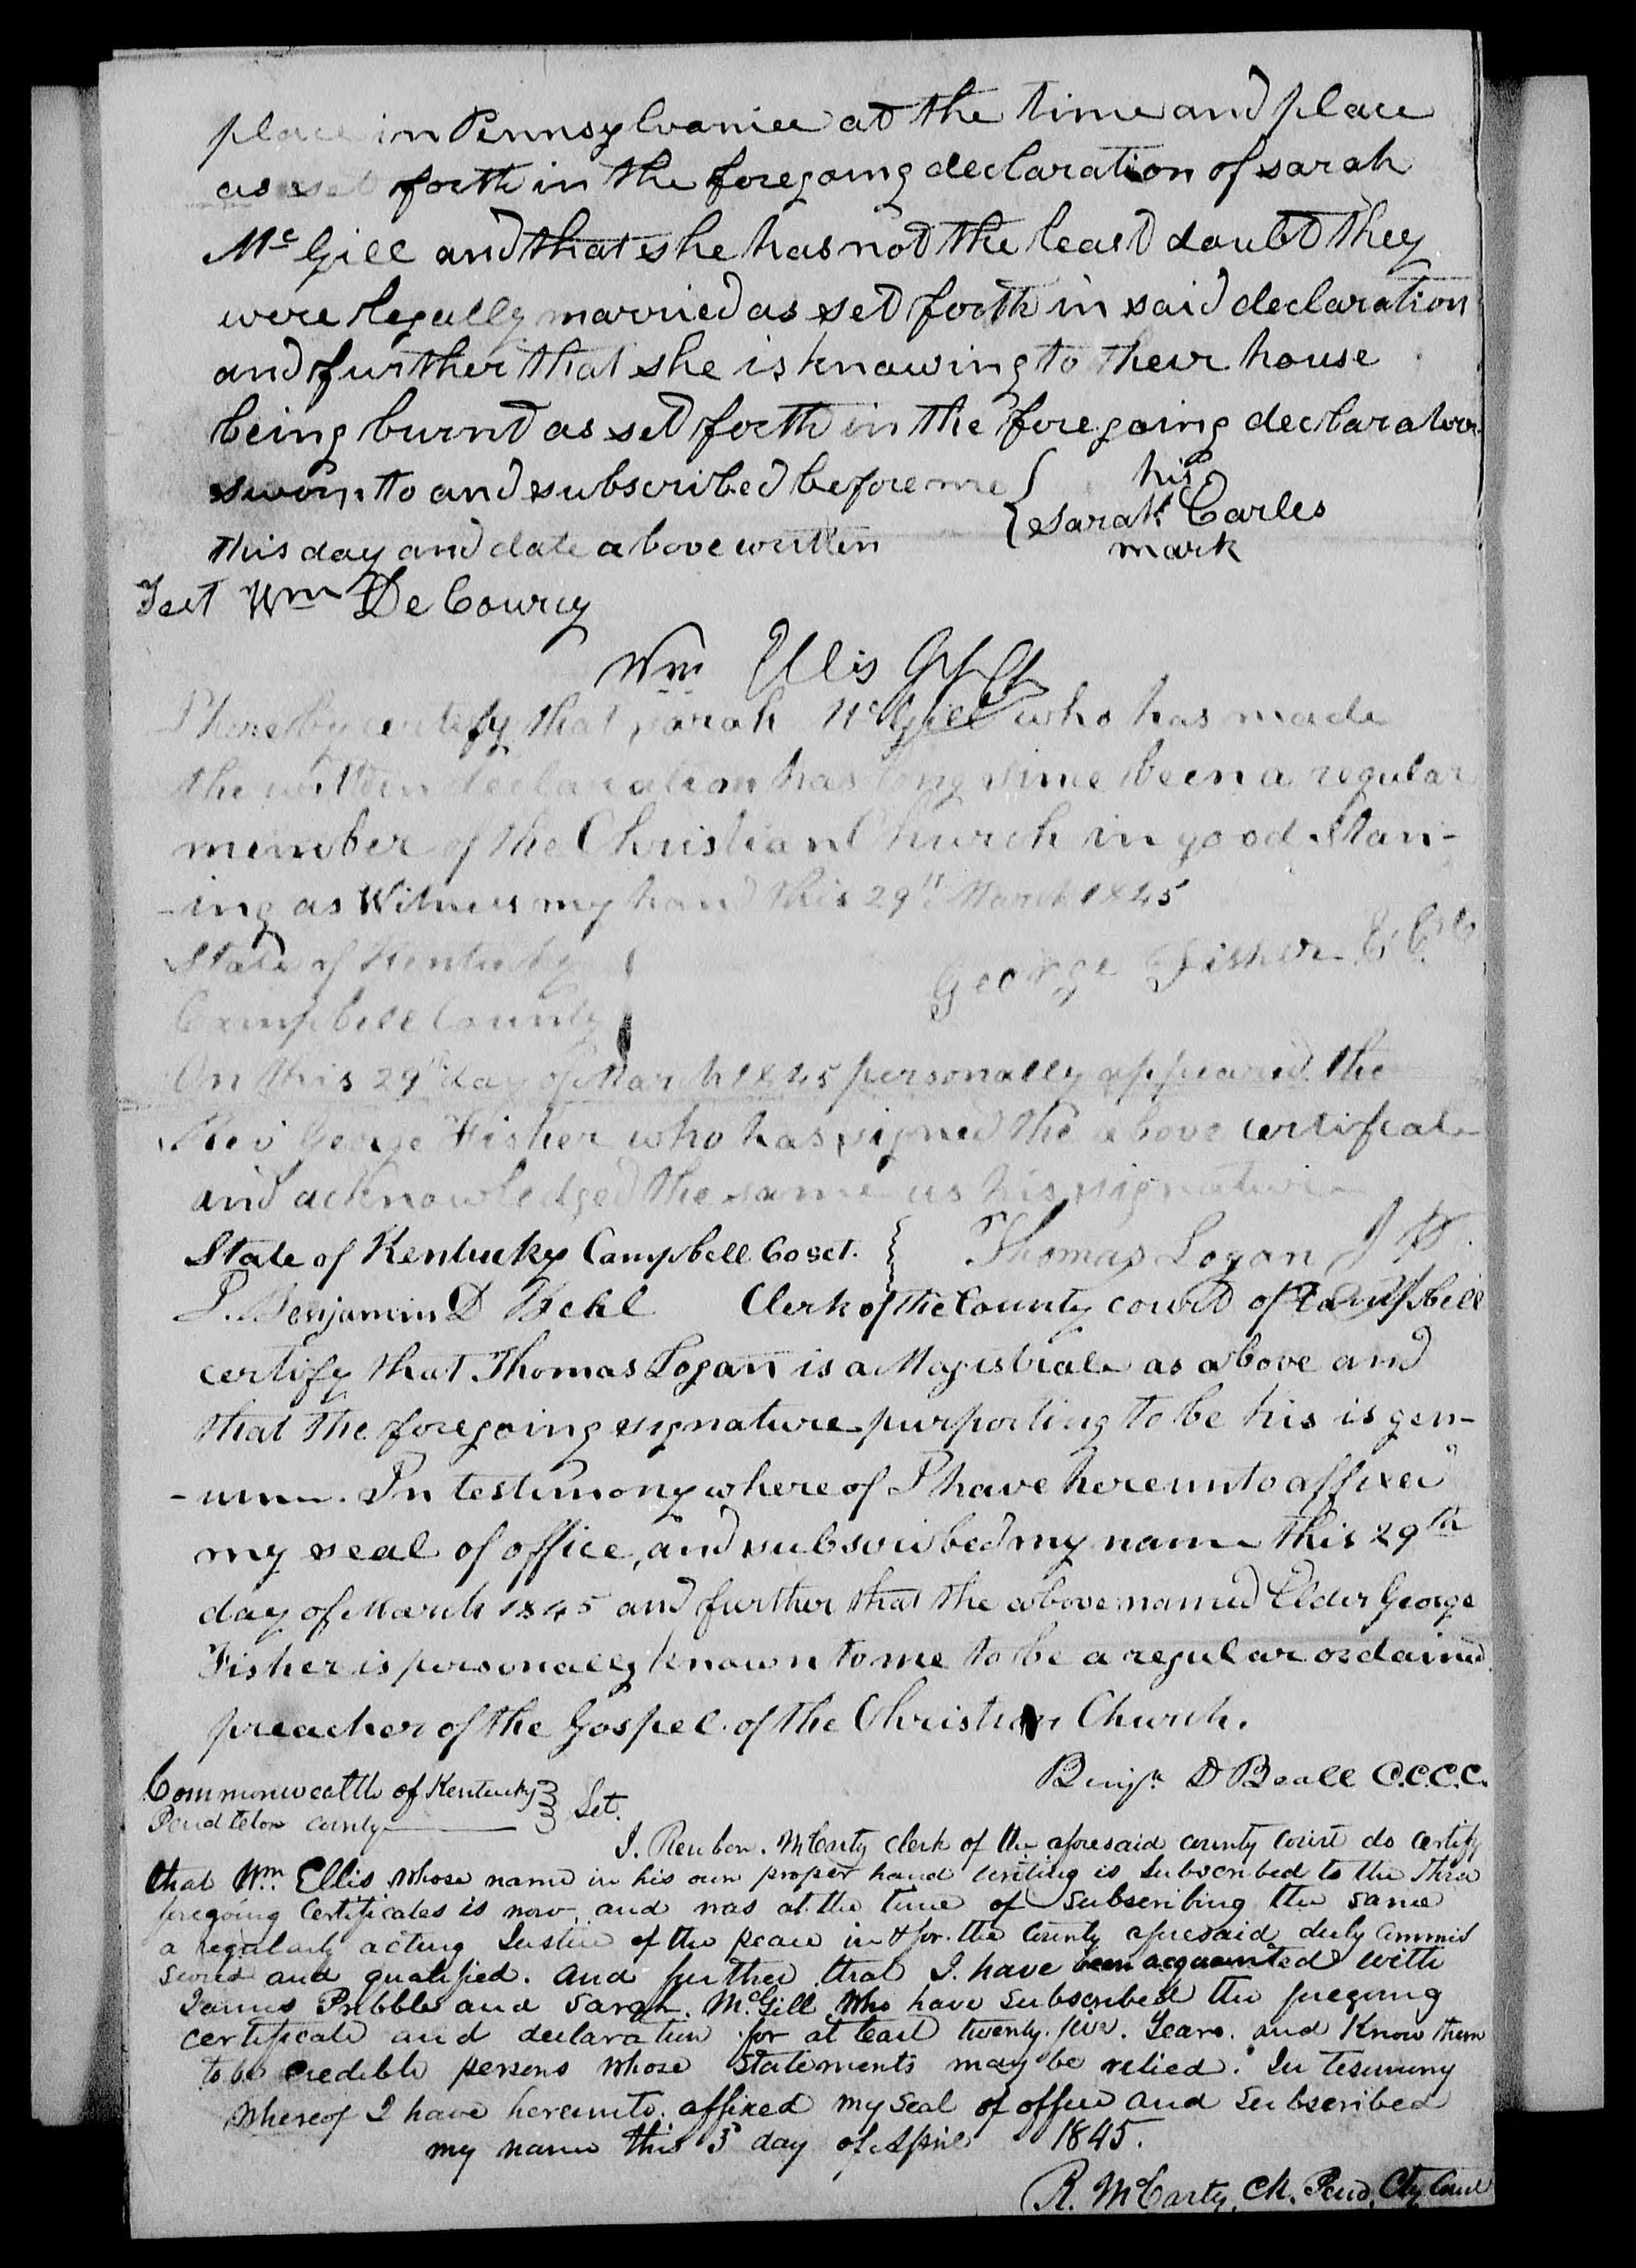Image 102		4160873_00102               Fold3 File #23857268
[continued from image 101]

[taken] place in Pennsylvania at the time and place as set forth in the foregoing declaration of Sarah McGill and that she has not the least doubt they were legally married as set forth in said declaration and further that she is knowing to their house being burnd [burned] as set forth in the foregoing declaration sworn to and subscribed before me this day and date above written.   Sarah Earles [her mark]
Test Wm DeCourcy     Wm Ellis   GPPC

I hereby certify that Sarah McGill who has made the written declaration has long since been a regular member of the Christian Church in good standing as Witness my hand this 29th March 1845   State of Kentucky Campbell County   George Fisher E.C.C.
On this 29th day of March 1845 personally appeared the Rev George Fisher who has signed the above certified and acknowledged the same as his signature. 
State of Kentucky Campbell Co. Sct   Thomas Logan J.P.

I Benjamin D. Beal Clerk of the County Court of Campbell certify that Thomas Logan is a Magistrate as above and that the foregoing signature purporting to be his is genuine.  In testimony whereof I have hereunto affixed my seal of office and subscribed my name this 29th day of March 1845 and further that the above-named Elder George Fisher is personally known to me to be a regular ordained preacher of the Gospel of the Christian Church. Commonwealth of Kentucky Pendleton County Sct  Benjn D. Beall C.C.C.C.

I Reuben McCarty clerk of the aforesaid county court do certify foregoing certificates is now and was at the time of subscribing the same a regularly acting Justice of the peace in & for the county aforesaid duly commissioned sworn and qualified. and further that I have been acquainted with James Prebble and Sarah McGill who have subscribed the foregoing certificate and declaration for at least twenty-five years and know them to be credible persons whose statements may be relied. In testimony whereof I have hereunto affixed my seal of office and subscribed my name this 3d day of April 1845. 
R.M. McCarty, clk, Pendleton County Court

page: 44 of 71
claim: widow's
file: W. 8428, for James Mc Gill, Pennsylvania